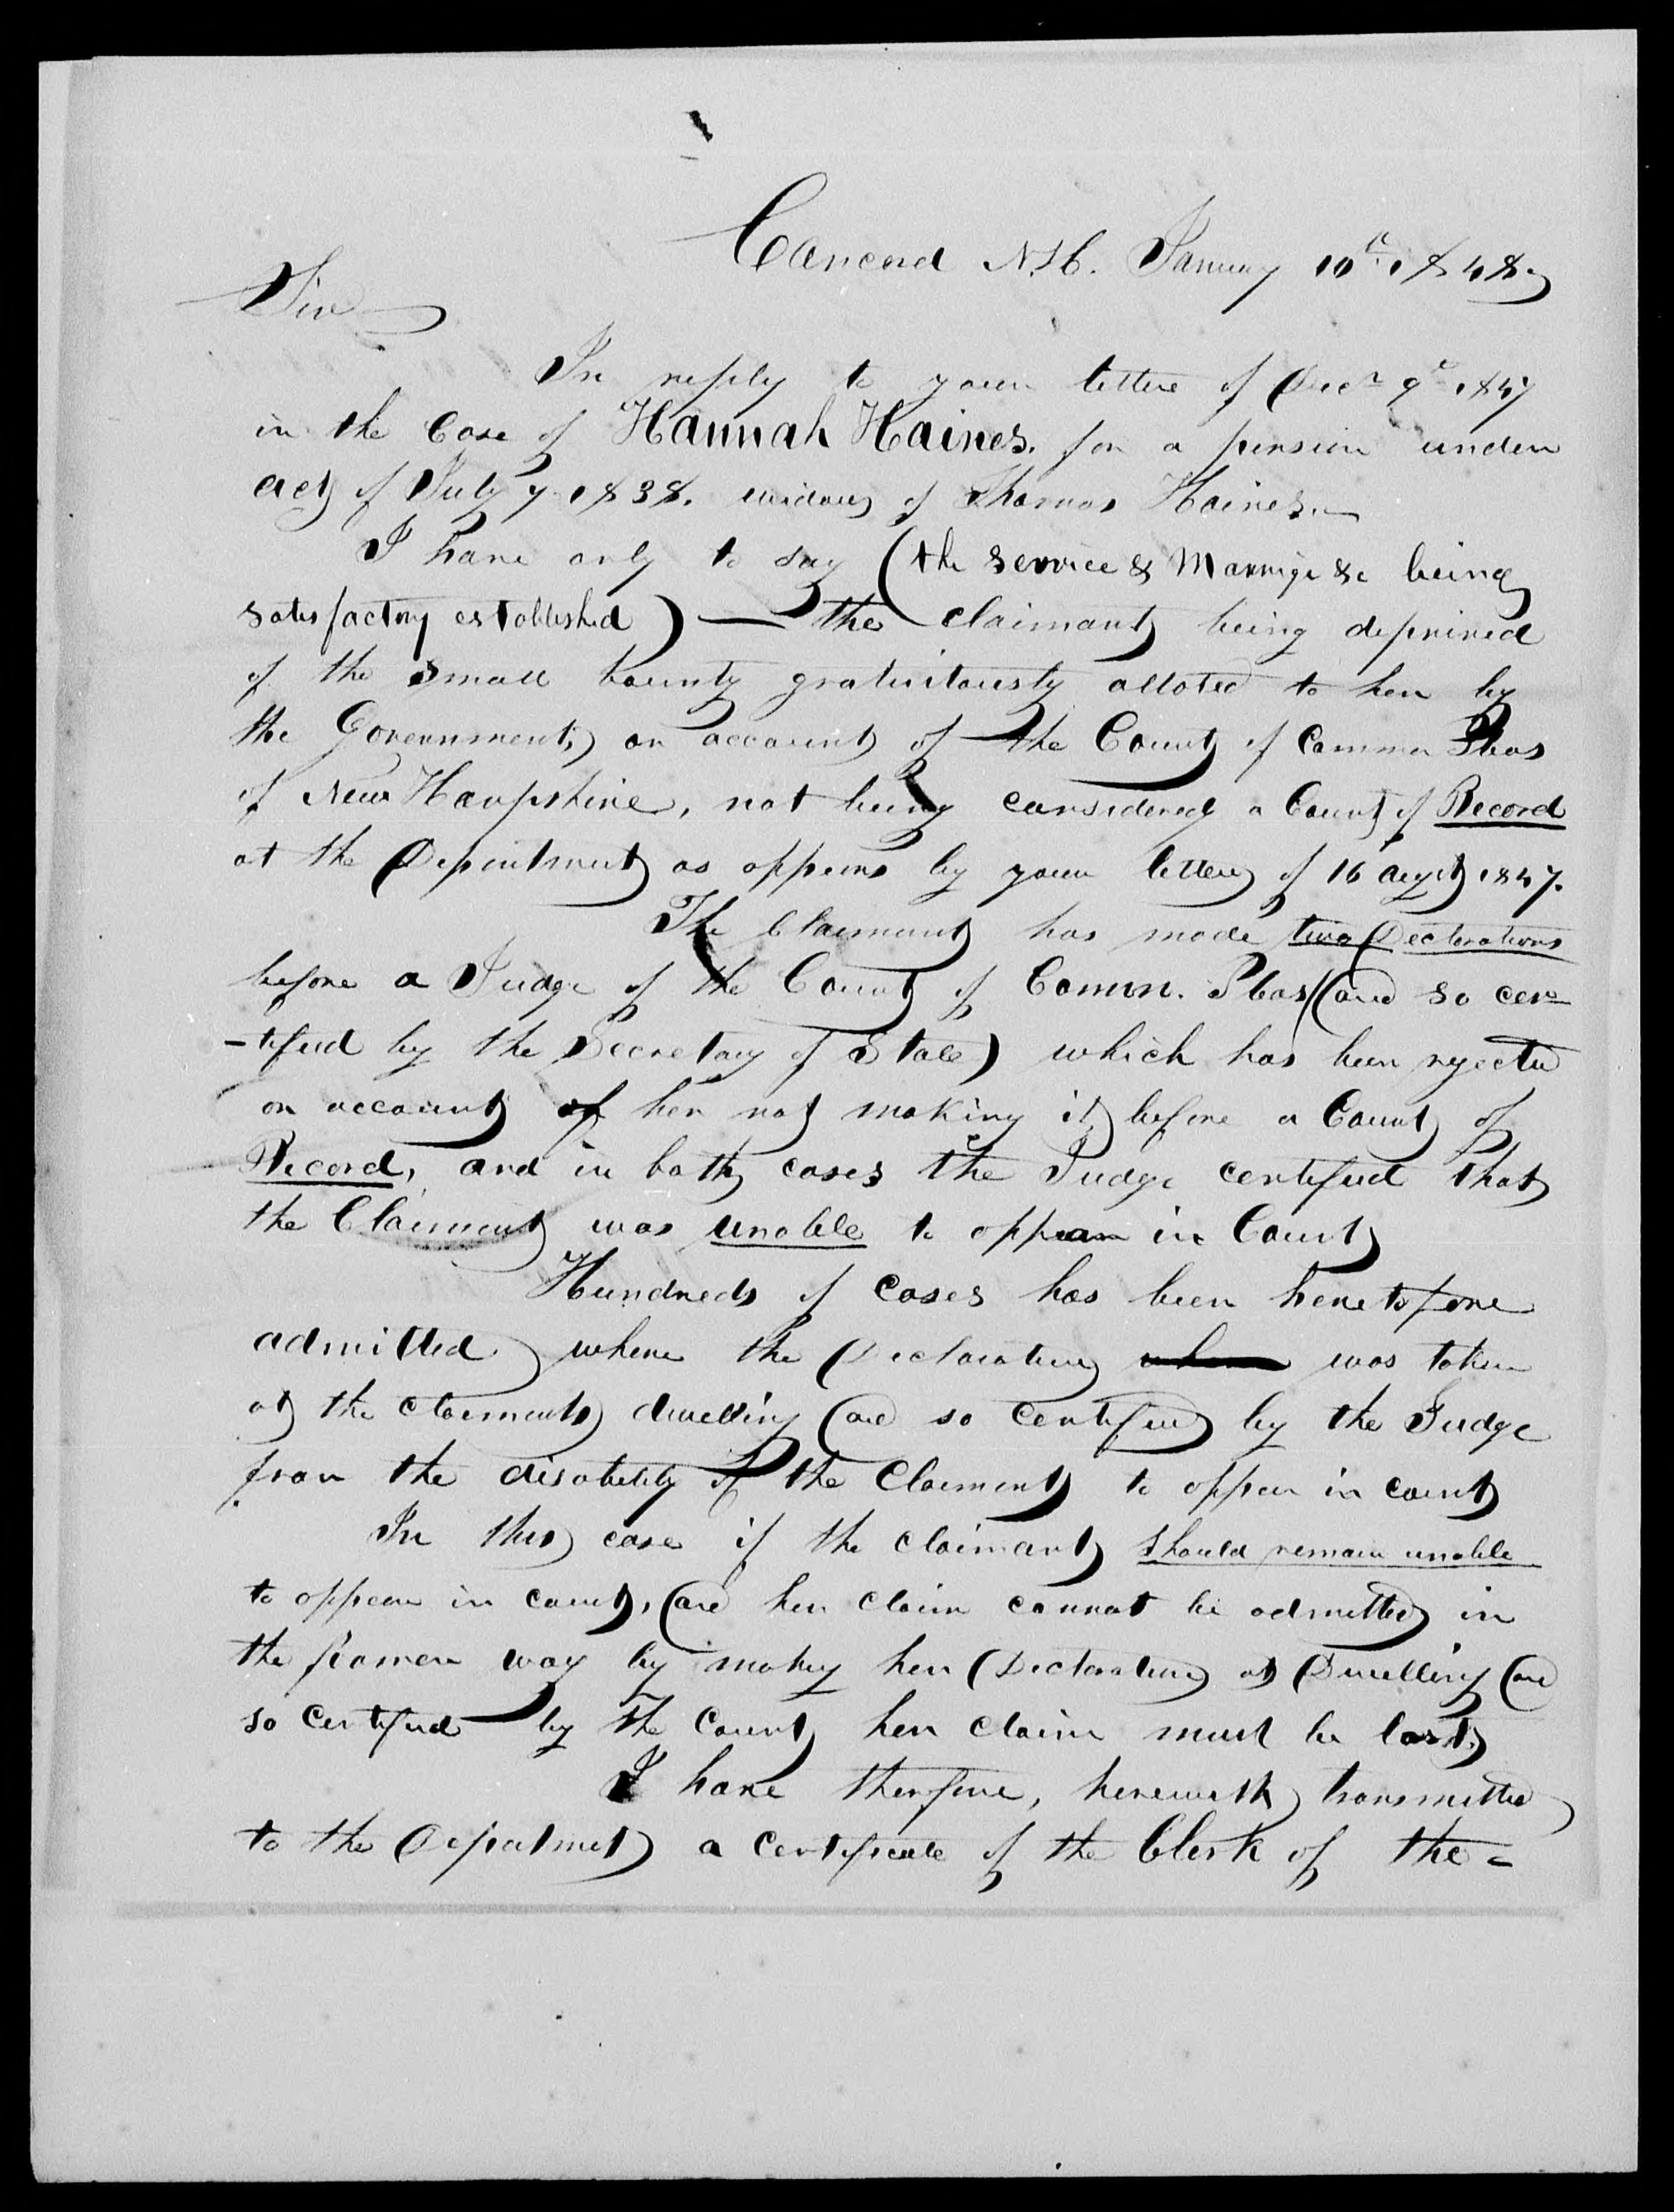Concord NH January 10th  1848,
Sir

In reply to your letters of Decr 9th 1847 in the case of Hannah Haines. For a pension under act of July 7 1838. widow of Thomas Haines-

I have only to day (the service &Marrige [sp] &c being satisfactory established)— the claimant, being deprived of the small bounty gratuitously allotted to her by the Government; on account of the Court of Common Pleas of New Hampshire, not being considered a Court of Record at the Department as appears by your letter of 16 Augt 1847.

The Claimant has made two Declarations before a Judge of the Court of Comn. Pleas (and so certified by the Secretary of State) which has been rejected on account of her not making it before a Court of record, and in both cases the Judge certified the Claimant was unable to appear in Court

Hundreds of cases has been heretofore admitted when the Declaration was taken at the claimants dwelling (and so certified by the Judge from the disability of the Claimant) to appear in court

In this case if the claimant should remain unable to appear in court, and her claim cannot be admitted in the former way by making her Declaration at Dwelling and so certified by the court, her claim must be lost

I have therefore, herewith, transmitted to the Department a certificate of the Clerk of the-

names: Thomas Haines, Hannah Haines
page: 39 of 57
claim: widow's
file: W. 23217, Thomas Haines, N H